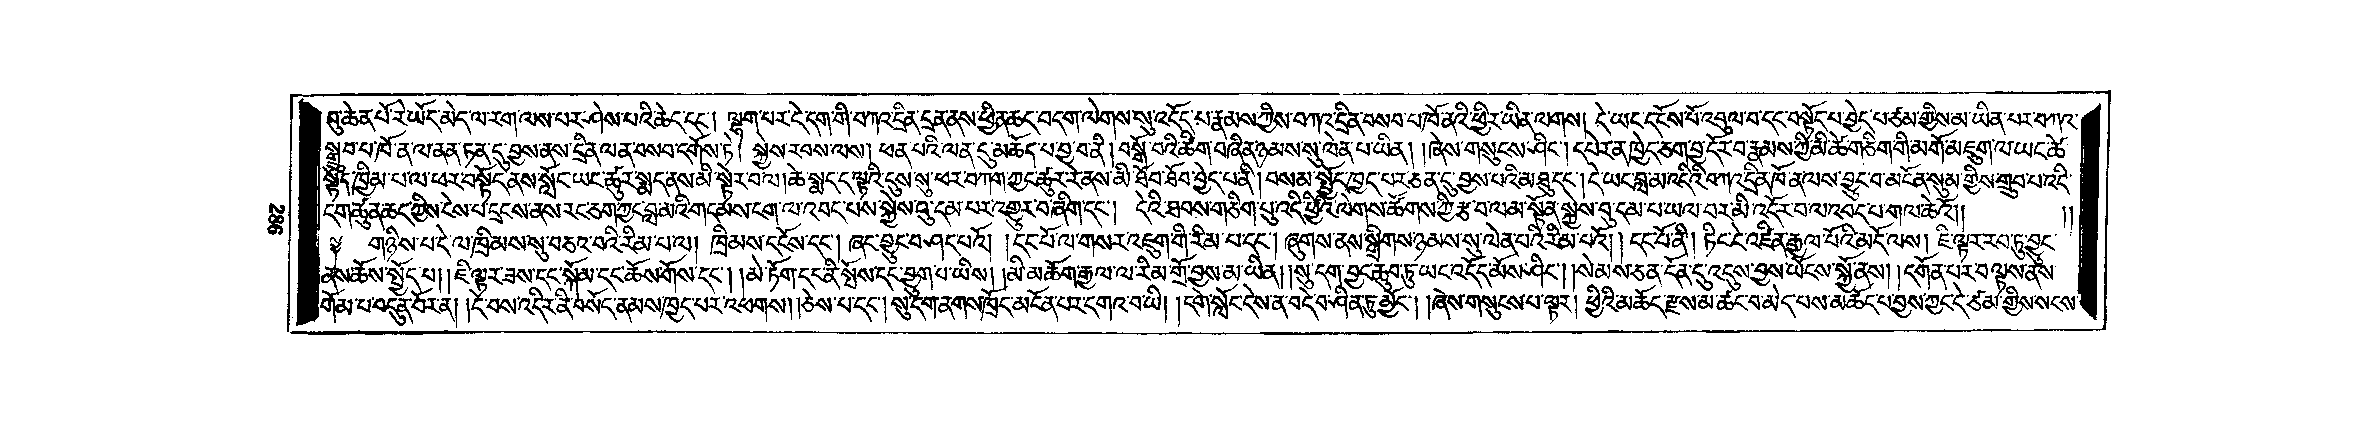བུ་ཆེན་པོ་རེ་ཡོད་མེད་ལ་རག་ལས་པར་ཤེས་པའི་ཆེད་དང་། ལྷག་པར་དེ་དག་གི་བཀའ་དྲིན་དྲན་ནས་ཕྱིན་ཆད་བདག་ལེགས་སུ་འདོད་པ་རྣམས་ཀྱིས་བཀའ་དྲིན་བསབ་པ་ཁོ་ནའི་ཕྱིར་ཡིན་ལགས། དེ་ཡང་དངོས་པོ་འབུལ་བ་དང་བསྟོད་པ་བྱེད་པ་ཙམ་གྱིས་མ་ཡིན་པར་བཀའ་
སྒྲུབ་པ་ཁོ་ན་ལ་ནན་ཏན་དུ་བྱས་ནས་དྲིན་ལན་བསབ་དགོས་ཏེ། སྐྱེས་རབས་ལས། ཕན་པའི་ལན་དུ་མཆོད་པ་བྱ་བ་ནི། བསྒོ་བའི་ཚིག་བཞིན་ཉམས་སུ་ལེན་པ་ཡིན། །ཞེས་གསུངས་ཤིང་། དཔེར་ན་ཁྱེད་ཅག་བྱ་དོར་བ་རྣམས་ཀྱི་མི་ཚེ་གཅིག་གི་མགོ་མཇུག་ལ་ཡང་ཚེ་
སྟོད་ཁྱིམ་པ་ལ་ཕར་བསྟོད་ནས་སློང་ཡང་ཚུར་སྨད་ནས་མི་སྟེར་བ་ལ། ཆེ་སྨད་ད་ལྟའི་དུས་སུ་ཕར་བཀག་ཀྱང་ཚུར་རེ་ནས་མི་ཐོབ་ཐོབ་བྱེད་པ་ནི། བསམ་སྤྱོད་ཁྱད་པར་ཅན་དུ་བྱས་པའི་མཐུ་དང་། དེ་ཡང་བླ་མ་འདིའི་བཀའ་དྲིན་ཁོ་ན་ལས་བྱུང་བ་མངོན་སུམ་གྱིས་གྲུབ་པ་འདི་
དག་ཚུན་ཆད་ཀྱིས་ངེས་པ་དྲངས་ནས་རང་ཅག་ཀྱང་བླ་མའི་གདམས་ངག་ལ་འབད་པས་སྐྱེས་བུ་དམ་པར་འགྱུར་བ་ཞིག་དང་། དེའི་ཐབས་གཅིག་པུ་འདི་ཕྱིའི་ལེགས་ཚོགས་ཀྱི་རྩ་བ་ལམ་སྟོན་སྐྱེས་བུ་དམ་པ་ཡལ་བར་མི་འདོར་བ་ལ་འབད་པ་གལ་ཆེའོ།། །།
༈ གཉིས་པ་དེ་ལ་ཁྲིམས་སུ་བཅའ་བའི་རིམ་པ་ལ། ཁྲིམས་དངོས་དང་། ཞང་བྱུང་བཤད་པའོ། །དང་པོ་ལ་གསར་འཇུག་གི་རིམ་པ་དང་། ཞུགས་ནས་སྒྲིགས་ཉམས་སུ་ལེན་པའི་རིམ་པའོ། །དང་པོ་ནི། ཏིང་ངེ་འཛིན་རྒྱལ་པོའི་མདོ་ལས། ཇི་ལྟར་རབ་ཏུ་བྱུང་
ནས་ཆོས་སྤྱོད་པ། །ཇི་ལྟར་ཟས་དང་སྐོམ་དང་ཆོས་གོས་དང་། །མེ་ཏོག་དང་ནི་སྤོས་དང་བྱུག་པ་ཡིས། །མི་མཆོག་རྒྱལ་ལ་རིམ་གྲོ་བྱས་མ་ཡིན། །སུ་དག་བྱང་ཆུབ་ཏུ་ཡང་འདོད་མོས་ཤིང་། །སེམས་ཅན་དོན་དུ་འདུས་བྱས་ཡོངས་སྐྱོ་ནས། །དགོན་པར་བལྟས་ནས་
གོམ་པ་བདུན་བོར་ན། །དེ་བས་འདིར་ནི་བསོད་ནམས་ཁྱད་པར་འཕགས། །ཅེས་པ་དང་། སུ་དག་ནགས་ཁྲོད་མངོན་པར་དགའ་བ་ཡི། །དགེ་སློང་དེས་ན་བདེ་བ་ཤིན་ཏུ་མྱོང་། །ཞེས་གསུངས་པ་ལྟར། ཕྱིའི་མཆོད་རྫས་མ་ཚང་བ་མེད་པས་མཆོད་པ་བྱས་ཀྱང་དེ་ཙམ་གྱིས་སངས་